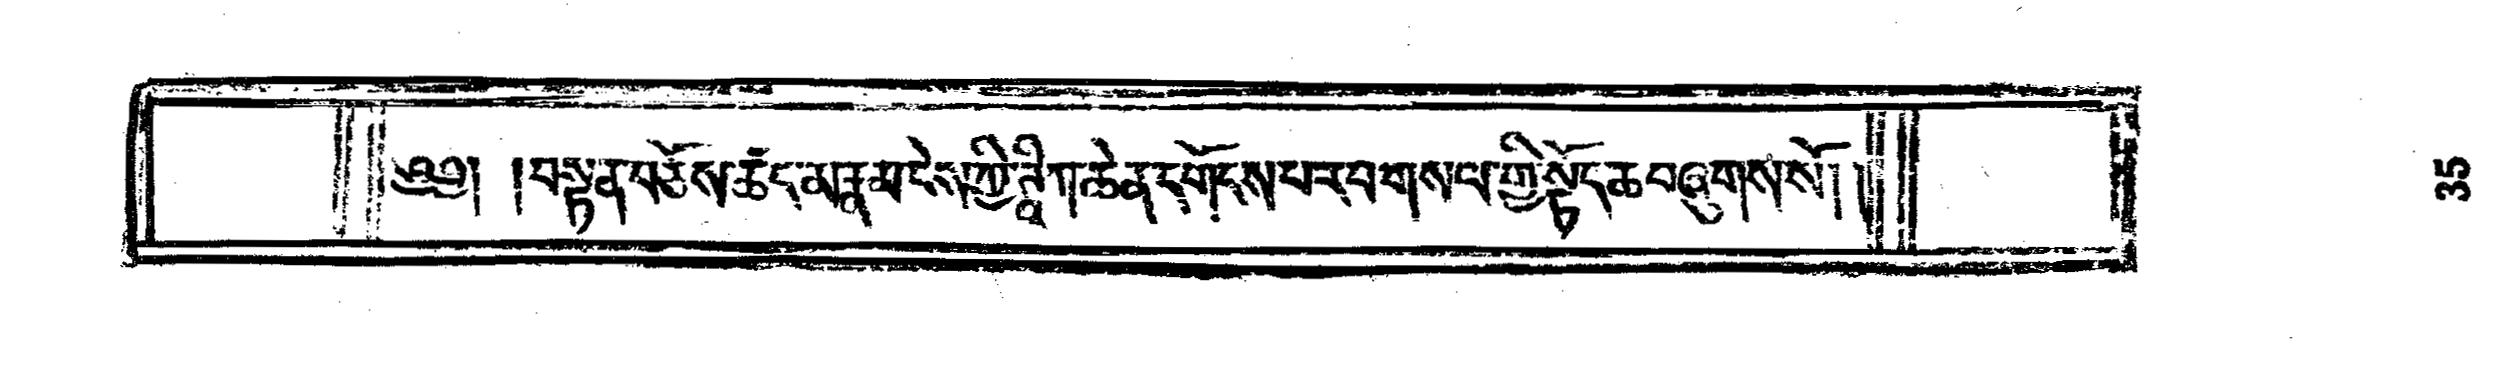༄༅། །བསྟན་བཅོས་ཚད་མ་རྣམ་ངེས་ཀྱི་ཊཱིཀ་ཆེན་དགོངས་པ་རབ་གསལ་གྱི་སྟོད་ཆ་བཞུགས་སོ། །